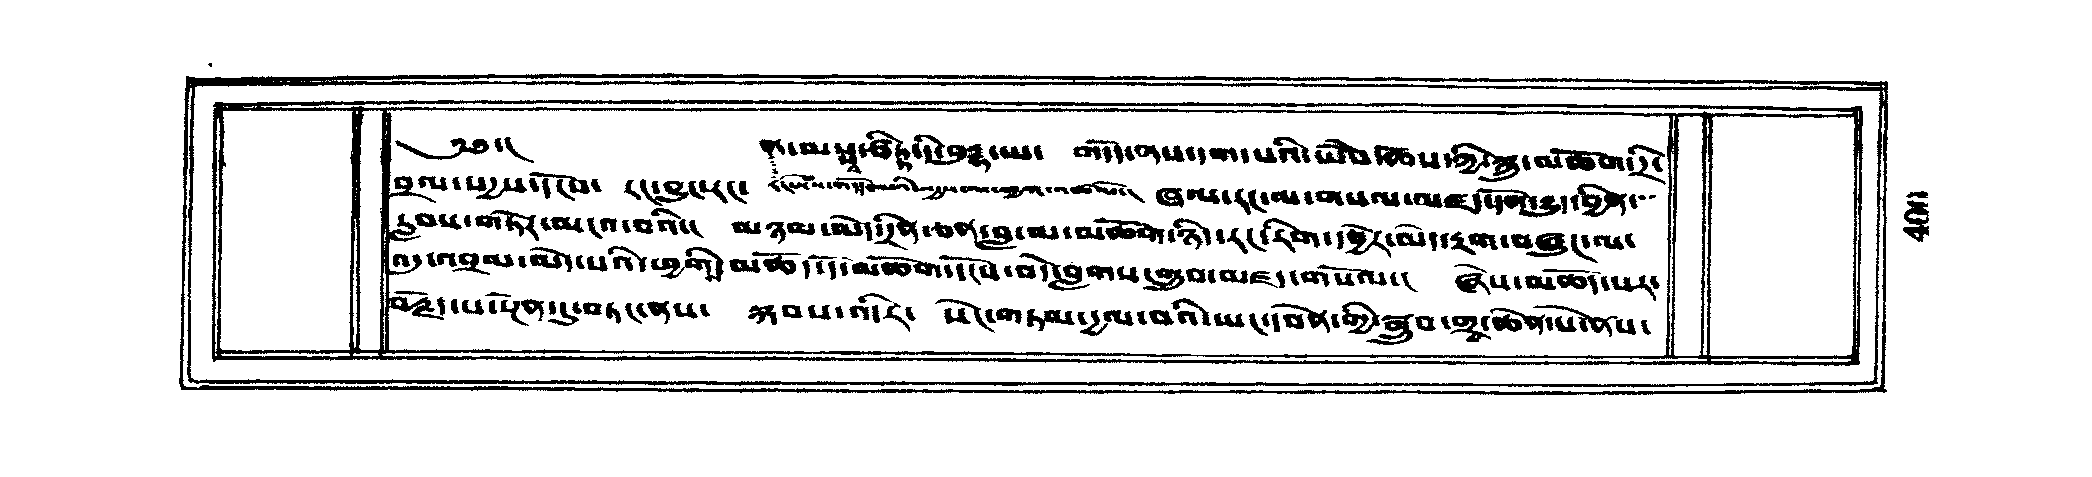ན་རང་སེམས་གདོད་མའི་སངས་རྒྱས་ལ་ཕྱག་འཚལ་ལོ།མསྶྭ་ཙིཏྟ་དི་བུདྡྷ་ཡ། གདོད་ནས་དག་པའི་ཡེ་ཤེས་ཆོས་ཀྱི་སྐུ་མཆོག་དྲི་
བྲལ་སངས་རྒྱས་དངོས། །རང་བྱུང་རང་ཞལ་རང་ལ་གསལ་མཛད་དོན་རྒྱུད་བྱིན་
རླབས་གཏེ་མངའ་བའི། །མཉམ་མེད་དྲིན་ཅན་བླ་མ་མཆོག་ཉིད་རང་རིག་དབྱེར་མེད་རྟག་བཞུགས་ལ། །
འདུ་འབྲལ་མེད་པའི་ཕྱག་གི་མཆོད་དོ་མཆོག་དངོས་བདེ་སླག་གྲུབ་མཛད་གསོལ། །ཞེས་མཆོད་པར་
བརྗོད་པ་སྔོན་དུ་བཏང་ནས། སྐབས་འདིར་སེང་གཏམ་རྒྱལ་བའི་ཡང་དབེན་གྱི་སྒྲུབ་གྲྭ་ཆེན་པོ་ནས་